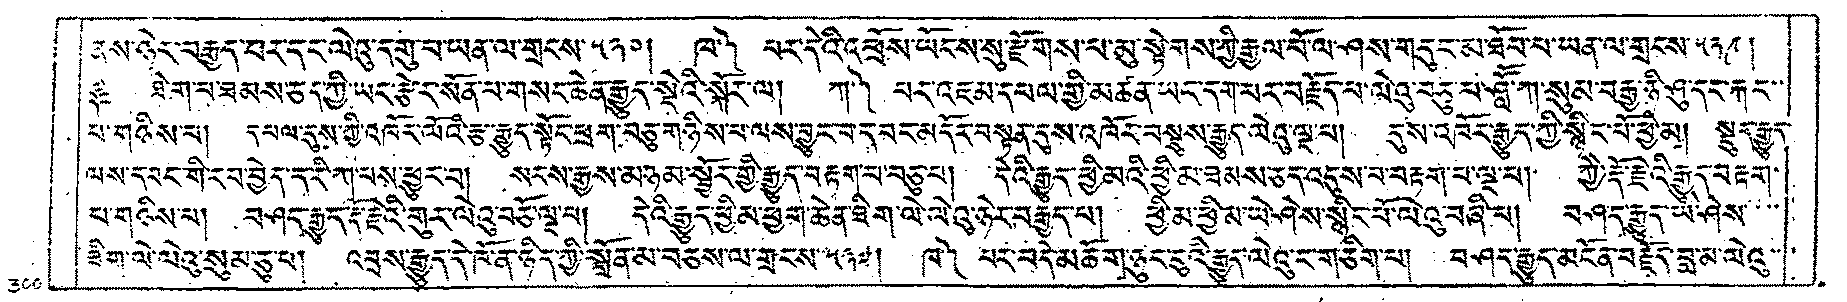ནས་ཉེར་བརྒྱད་བར་དང་ལེའུ་དགུ་པ་ཡན་ལ་གྲངས ༥༢༠། ཁ྄་པར་དེའི་འཕྲོས་ཡོངས་སུ་རྫོགས་པ་མུ་སྟེགས་ཀྱི་རྒྱལ་པོ་ལ་ཤས་གདུང་མ་ཐོབ་པ་ཡན་ལ་གྲངས ༥༢༩།
༈ ཐེག་པ་ཐམས་ཅད་ཀྱི་ཡང་རྩེར་སོན་པ་གསང་ཆེན་རྒྱུད་སྡེའི་སྐོར་ལ། ཀ྄་པར་འཇམ་དཔལ་གྱི་མཚན་ཡང་དག་པར་བརྗོད་པ་ལེའུ་བཅུ་པ་ཤླཽ་ཀ་སུམ་བརྒྱ་ཉི་ཤུ་དང་རྐང་
པ་གཉིས་པ། དཔལ་དུས་ཀྱི་འཁོར་ལོའི་རྩ་རྒྱུད་སྟོང་ཕྲག་བཅུ་གཉིས་པ་ལས་བྱུང་བ་དབང་མདོར་བསྟན་དུས་འཁོར་བསྡུས་རྒྱུད་ལེའུ་ལྔ་པ། དུས་འཁོར་རྒྱུད་ཀྱི་སྙིང་པོ་ཕྱི་མ། སྡུད་རྒྱུད་
ལས་དབང་གི་རབ་བྱེད་ད་རི་ཀ་པས་ཕྱུང་བ། སངས་རྒྱས་མཉམ་སྦྱོར་གྱི་རྒྱུད་བརྟག་པ་བཅུ་པ། དེའི་རྒྱུད་ཕྱི་མའི་ཕྱི་མ་ཐམས་ཅད་འདུས་པ་བརྟག་པ་ལྔ་པ། ཀྱཻ་རྡོ་རྗེའི་རྒྱུད་བརྟག་
པ་གཉིས་པ། བཤད་རྒྱུད་རྡོ་རྗེའི་གུར་ལེའུ་བཅོ་ལྔ་པ། དེའི་རྒྱུད་ཕྱི་མ་ཕྱག་ཆེན་ཐིག་ལེ་ལེའུ་ཉེར་བརྒྱད་པ། ཕྱི་མ་ཕྱི་མ་ཡེ་ཤེས་སྙིང་པོ་ལེའུ་བཞི་པ། བཤད་རྒྱུད་ཡེ་ཤེས་
ཐིག་ལེ་ལེའུ་སུམ་ཅུ་པ། འབྲས་རྒྱུད་དེ་ཁོ་ན་ཉིད་ཀྱི་སྒྲོན་མ་བཅས་ལ་གྲངས ༥༣༧། ཁ྄་པར་བདེ་མཆོག་ཉུང་ངུའི་རྒྱུད་ལེའུ་ང་གཅིག་པ། བཤད་རྒྱུད་མངོན་བརྗོད་བླ་མ་ལེའུ་